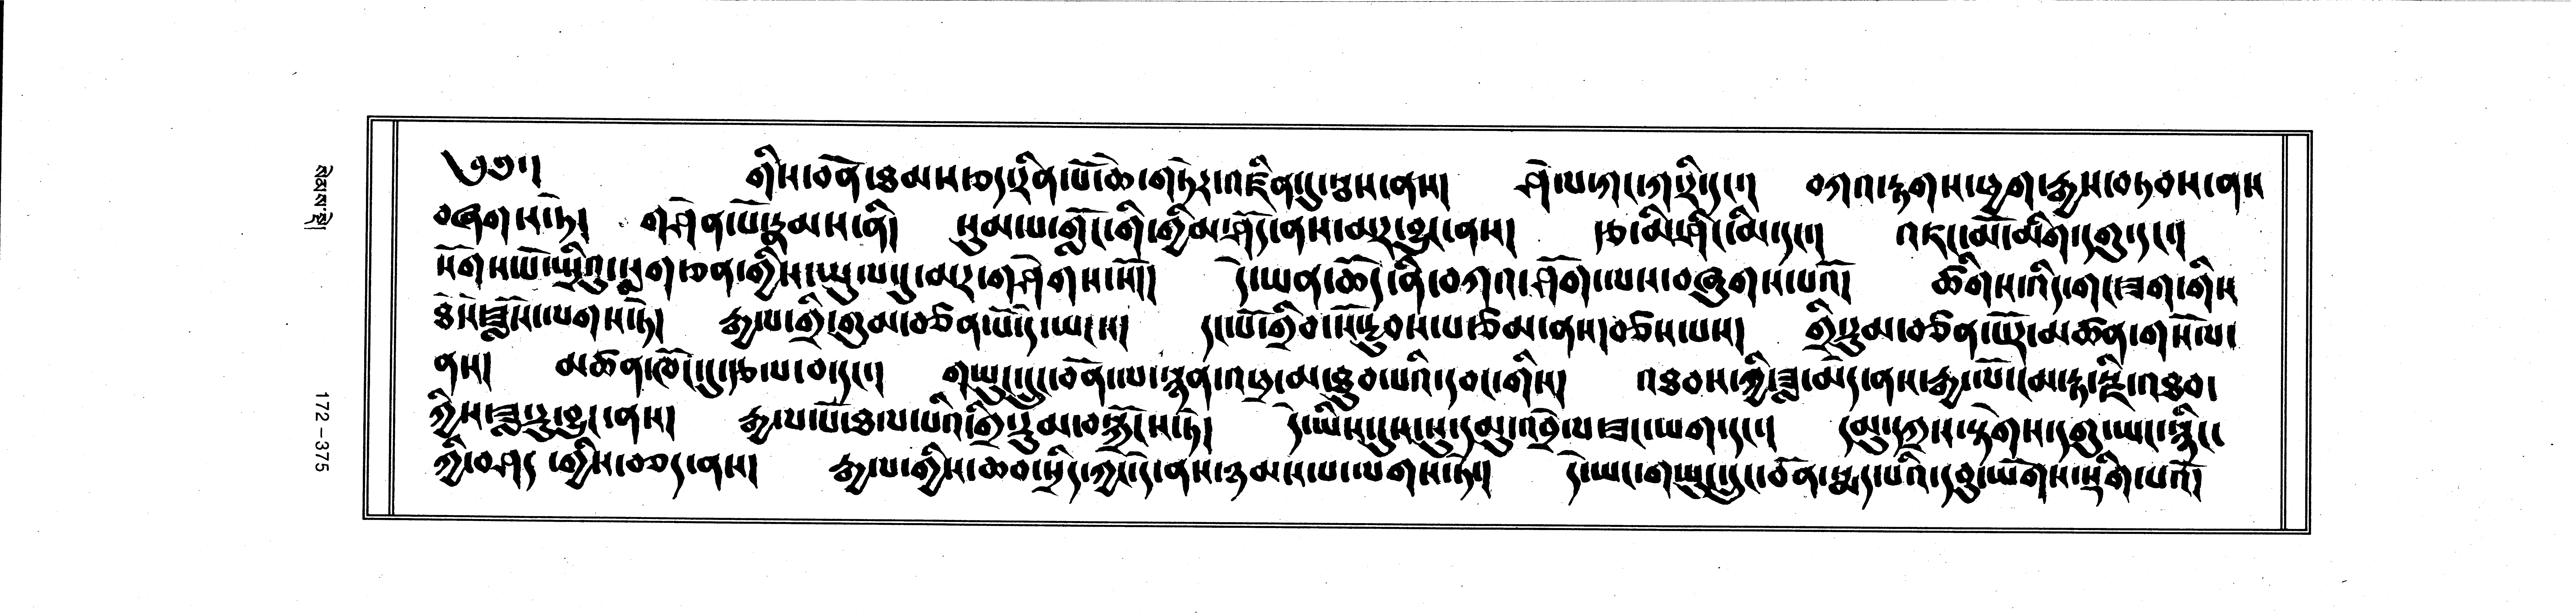བོན་ཐམས་ཅད་ཀུ་དྷྲང་གསོན་མ་དང་། མ་ཧེ་གསོན་མ་ལ་བཀལ་ཏེ། ཡུལ་གཙང་སྟོད་བྱེ་མ་གཡུང་དྲུང་མཁར་གད་ཀྱི་བྱི་བ་མཁར་ནས་ཆས་ཏེ། ལྷོ་བལ་རིས་རྒུའི་ཡུལ་དུ་གཤེགས་པར་འཚལ་དགོངས་ནས། ཞལ་ལྷོ་རུ་གཟིགས་ནས་གཤེགས་པས། ལྷོ་དོམ་སྒྲོ་ནག་པོ་རུ་བསྟན་པ་མི་ཚུགས་པའི་རྟགས་བྱུང་སྟེ། ནམ་མཁའ་ལས་སྒྲ་མི་སྙན་པ་དང་། ཁ་བ་དང་བུ་ཡུག་དང་རླུང་དམར་དང་། མི་བདེ་བ་སྣ་ཚོགས་འབྱུང་ཏེ། རྣིལ་མ་འཚོལ་ལྡེ་ཡུ་བོའི་མགུལ་ནས་སླར་ལོག་ནས། གཡུང་དྲུང་གིས་བོན་ཐམས་ཅད་རིན་པོ་ཆེ་གཏེར་འཛིན་དུ་སྦས་ནས། ཤེལ་ཀང་ཀ་རི་དང་། བཀའ་རྟགས་ཕྱག་རྒྱས་བཏབས་ནས་
བཞགས་ཏེ། གཤེན་པོ་རྣམས་ནི། སུམ་པ་གློང་གི་གྱིམ་ཤོད་ནས་མར་བྱུང་ནས། རྩ་མི་ཤིང་མི་དང་། འཇང་མོ་མིག་དགུ་དང་། 
སོགས་པོ་སྤྲིའུ་སླག་ཅན་གྱིས་ཡུལ་དུ་མར་བཤེགས་སོ། དེ་ཡན་ཆོད་ནི་བཀའ་ཤོག་ལས་བཞུགས་པའོ། ཚིག་འདི་གང་ཟག་གིས་
ཐོས་ཟློས་ལགས་ཏེ། རྒྱལ་གྲི་གུམ་བཙན་པོ་དེ་ཡང། དང་པོ་གྲིབ་སོ་རྔུབས་པ་ཙམ་ནས་བཙས་པས། གྲི་རུམ་བཙན་པོར་མཚན་གསོལ་
ནས། མཚན་ཁོང་དུ་རྩལ་བ་དང་། གཡུང་དྲུང་བོན་ལ་སྙན་འཕྲ་མ་ཐུབ་པའི་དབང་གིས། འཐབས་ཀྱི་ཟླ་མེད་ནས་རྒྱ་ལོ་ངམ་རྟ་རྫི་འཐབ་
ཀྱིས་ཟླ་རུ་བྱུང་ནས། རྒྱལ་པོ་ཐལ་པའི་གྲི་རུམ་བསྐྲོངས་ཏེ། དེ་ཡིས་དུས་སུ་དམུ་འབྲེལ་ཟང་ཡག་དང་། དམུ་དཀྲད་སྟེགས་དགུ་ཡང་སྙིང་
ཀྱི་བཤད་གྱིས་བཅད་ནས། རྒྱལ་གྱིས་ཆབ་སྲིད་ཀྱང་དེ་ནས་ཉམས་པ་ལགས་ཏེ། དེ་ཡང་གཡུང་དྲུང་བོན་སྨད་པའི་དབུ་ཡོགས་སྡིགས་པའོ།